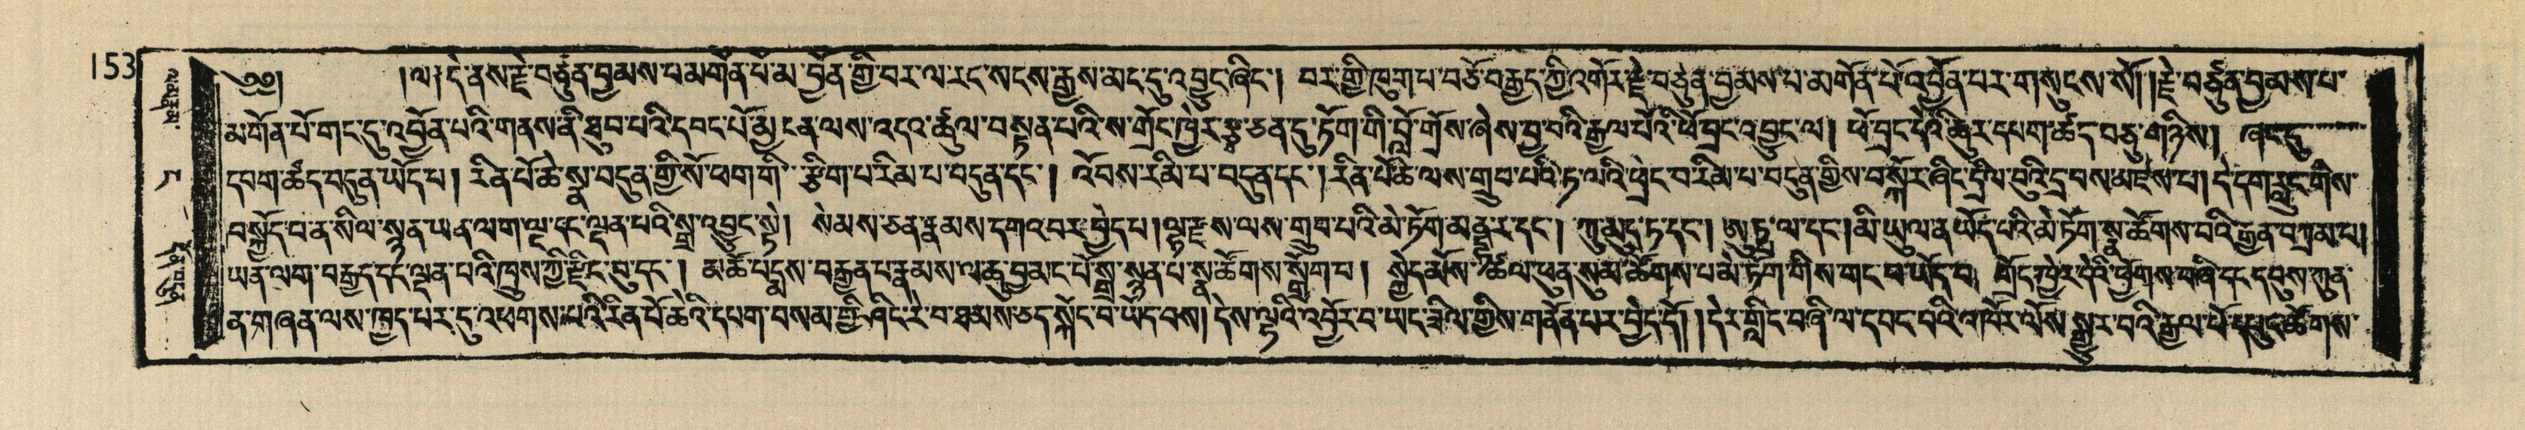༄༅། །ལ༑ དེ་ནས་རྗེ་བཙུན་བྱམས་པ་མགོན་པོ་མ་བྱོན་གྱི་བར་ལ་རང་སངས་རྒྱས་མང་དུ་འབྱུང་ཞིང་། བར་གྱི་ཁུག་པ་བཅོ་བརྒྱད་ཀྱི་འགོར་རྗེ་བཙུན་བྱམས་པ་མགོན་པོ་འབྱོན་པར་གསུངས་སོ། །རྗེ་བཙུན་བྱམས་པ་
མགོན་པོ་གང་དུ་འབྱོན་པའི་གནས་ནི་ཐུབ་པའི་དབང་པོ་མྱ་ངན་ལས་འདའ་ཚུལ་བསྟན་པའི་ས་གྲོང་ཁྱེར་རྩྭ་ཅན་དུ་ཏོག་གི་བློ་གྲོས་ཞེས་བྱ་བའི་རྒྱལ་པོའི་ཕོ་བྲང་འབྱུང་ལ། ཕོ་བྲང་དེའི་ཆུར་དཔག་ཚད་བཅུ་གཉིས། ཞང་དུ་
དཔག་ཚད་བདུན་ཡོད་པ། རིན་པོ་ཆེ་སྣ་བདུན་གྱི་སོ་ཕག་གི་རྩིག་པ་རིམ་པ་བདུན་དང་། འོབས་རིམ་པ་བདུན་དང་། རིན་པོ་ཆེ་ལས་གྲུབ་པའི་ཏ་ལའི་ཕྲེང་བ་རིམ་པ་བདུན་གྱིས་བསྐོར་ཞིང་དྲིལ་བུའི་དྲ་བས་མཛེས་པ། དེ་དག་རླུང་གིས་
བསྐྱོད་པ་ན་སིལ་སྙན་ཡན་ལག་ལྔ་དང་ལྡན་པའི་སྒྲ་འབྱུང་སྟེ། སེམས་ཅན་རྣམས་དགའ་བར་བྱེད་པ། ལྷ་རྫས་ལས་གྲུབ་པའི་མེ་ཏོག་མནྡྷ་ར་དང་། ཀུ་མུད་ཏ་དང་། ཨུཏྤ་ལ་དང་། མི་ཡུལ་ན་ཡོད་པའི་མེ་ཏོག་སྣ་ཚོགས་བའི་རྒྱན་བཀྲམ་པ།
ཡན་ལག་བརྒྱད་དང་ལྡན་པའི་ཁྲུས་ཀྱི་རྫིང་བུ་དང་། མཚོ་པདམས་བརྒྱན་པ་རྣམས་ལ་ཆུ་བྱ་མང་པོ་སྒྲ་སྙན་པ་སྣ་ཚོགས་སྒྲོག་པ། སྐྱེད་མོས་ཚལ་ཕུན་སུམ་ཚོགས་པ་མེ་ཏོག་གིས་གང་བ་ཡོད་བ། གྲོང་ཁྱེར་དེའི་ཕྱོགས་བཞི་དང་དབུས་ཀུན་
ན་གཞན་ལས་ཁྱད་པར་དུ་འཕགས་པའི་རིན་པོ་ཆེའི་དཔག་བསམ་གྱི་ཤིང་རེ་བ་ཐམས་ཅད་སྐོང་བ་ཡོད་བས། དེས་ལྷའི་འབྱོར་བ་ཡང་ཟིལ་གྱིས་གནོན་པར་བྱེད་དོ། །དེར་གླིང་བཞི་ལ་དབང་བའི་འཁོར་ལོས་སྒྱུར་བའི་རྒྱལ་པོ་དཔུང་ཚོགས་